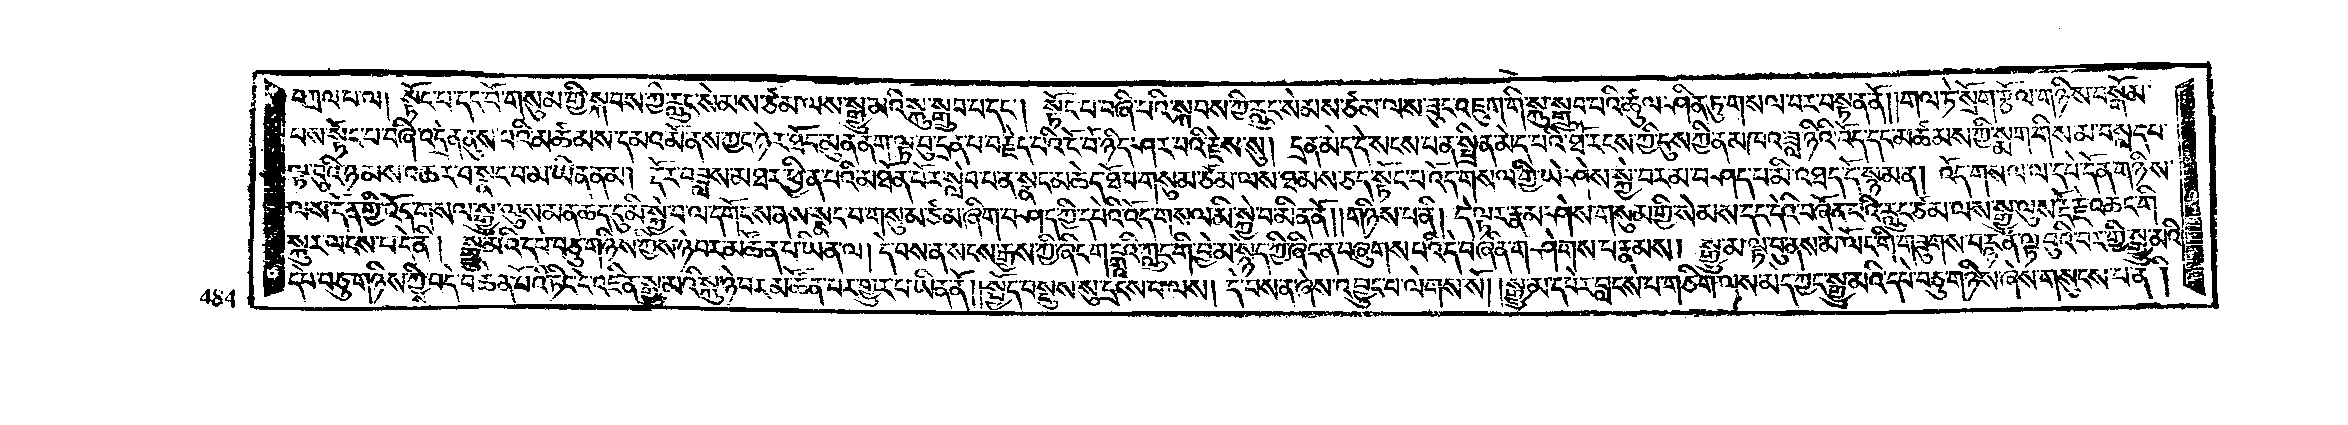བཀྲལ་པ་ལ། སྟོང་པ་དང་པོ་གསུམ་གྱི་སྐབས་ཀྱི་རླུང་སེམས་ཙམ་ལས་སྒྱུ་མའི་སྐུ་སྒྲུབ་པ་དང་། སྟོང་པ་བཞི་པའི་སྐབས་ཀྱི་རླུང་སེམས་ཙམ་ལས་ཟུང་འཇུག་གི་སྐུ་སྒྲུབ་པའི་ཚུལ་ཤིན་ཏུ་གསལ་བར་བསྟན་ནོ། །གལ་ཏེ་སྲོག་རྩོལ་གཉིས་བསྒོམ་
པས་སྟོང་པ་བཞི་འདྲེན་ནུས་པའི་མཚམས་དམའ་མོ་ནས་ཀྱང་ཉེར་ཐོབ་མུན་ནག་ལྟ་བུ་དྲན་པ་བརྗེད་པའི་ངོ་བོ་ཉིད་ཤར་བའི་རྗེས་སུ། དྲན་མེད་དེ་སངས་པ་ན་སྤྲིན་མེད་པའི་ཐོ་རངས་ཀྱི་དུས་ཀྱི་ནམ་མཁའ་ཟླ་ཉིའི་འོད་དང་མཚམས་ཀྱི་སྨག་གིས་མ་བསླད་པ་
ལྟ་བུའི་ཉམས་འཆར་བ་སྣང་བ་མ་ཡིན་ནམ། རྡོར་བཟླས་མཐར་ཕྱིན་པའི་མཐོན་པོར་སླེབ་པ་ན་སྣང་མཆེད་ཐོབ་གསུམ་ཙམ་ལས་ཐམས་ཅད་སྟོང་པ་འོད་གསལ་གྱི་ཡེ་ཤེས་སྐྱེ་བར་མ་བཤད་པ་མི་འཐད་དོ་སྙམ་ན། འོད་གསལ་ལ་དཔེ་དོན་གཉིས་
ལས་དོན་གྱི་འོད་གསལ་སྒྱུ་ལུས་མན་ཆད་དུ་མི་སྐྱེ་བ་ལ་དགོངས་ནས་སྣང་བ་གསུམ་ཙམ་ཞིག་བཤད་ཀྱི་དཔེའི་འོད་གསལ་མི་སྐྱེ་བ་མིན་ནོ། །གཉིས་པ་ནི། དེ་ལྟར་རྣམ་ཤེས་གསུམ་གྱི་སེམས་དང་དེའི་བཞོན་པའི་རླུང་ཙམ་ལས་སྒྱུ་ལུས་རྡོ་རྗེ་འཆང་གི་
སྐུར་ལངས་པ་དེ་ནི། སྒྱུ་མའི་དཔེ་བཅུ་གཉིས་ཀྱིས་ཉེ་བར་མཚོན་པ་ཡིན་ལ། དེ་བས་ན་སངས་རྒྱས་ཀྱི་ཞིང་གངྒཱའི་ཀླུང་གི་བྱེ་མ་སྙེད་ཀྱི་ཞིང་ན་བཞུགས་པའི་དེ་བཞིན་གཤེགས་པ་རྣམས། སྒྱུ་མ་ལྟ་བུ་ནས་མེ་ལོང་གི་གཟུགས་བརྙན་ལྟ་བུའི་བར་གྱི་སྒྱུ་མའི་
དཔེ་བཅུ་གཉིས་ཀྱིས་བདེ་བ་ཆེན་པོའི་ཏིང་ངེ་འཛིན་སྒྱུ་མའི་སྐུ་ཉེ་བར་མཚོན་པར་གྱུར་པ་ཡིན་ནོ། །སྤྱོད་བསྡུས་སུ་དྲངས་པ་ལས། དེ་བས་ན་ཞེས་འབྱུང་བ་ལེགས་སོ། །སྒྱུ་མ་དཔེར་བླངས་པ་གཅིག་ལས་མེད་ཀྱང་སྒྱུ་མའི་དཔེ་བཅུ་གཉིས་ཞེས་གསུངས་པ་ནི།